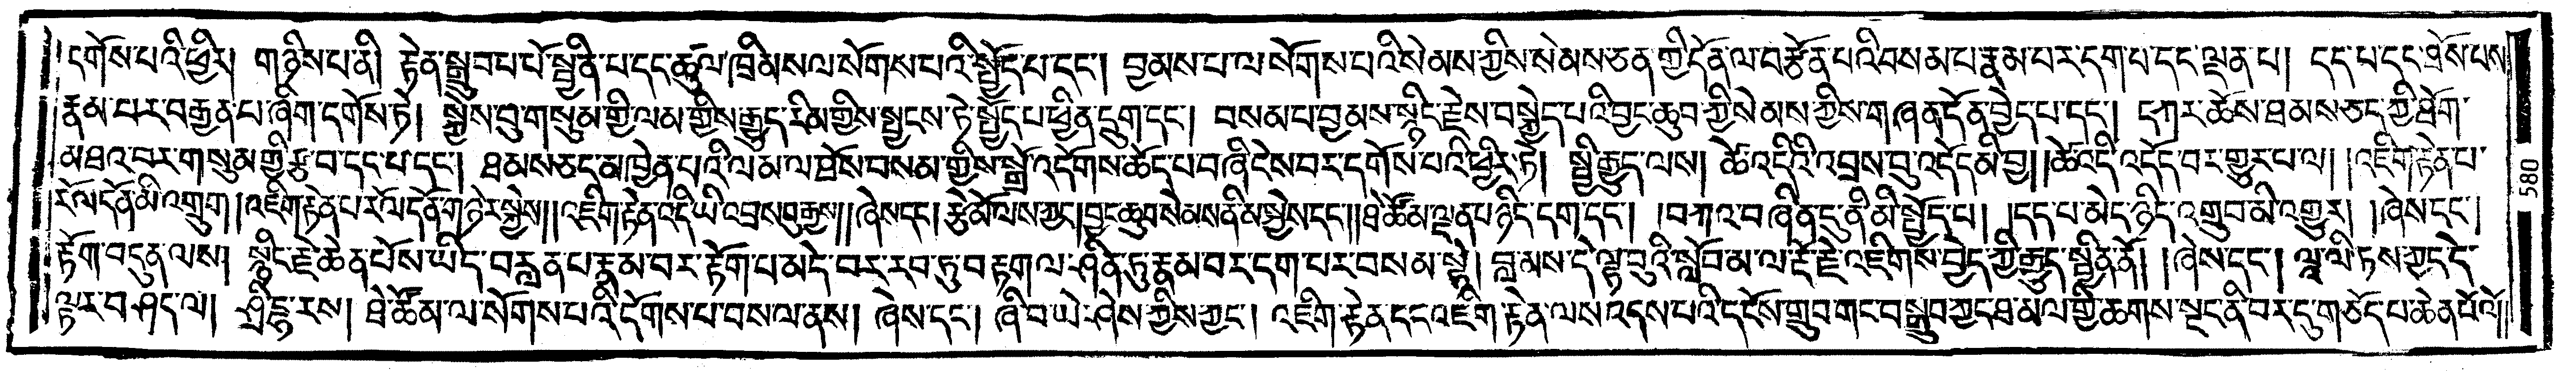དགོས་པའི་ཕྱིར། གཉིས་པ་ནི། རྟེན་སྒྲུབ་པ་པོ་སྦྱིན་པ་དང་ཚུལ་ཁྲིམས་ལ་སོགས་པའི་སྤྱོད་པ་དང་། བྱམས་པ་ལ་སོགས་པའི་སེམས་ཀྱིས་སེམས་ཅན་གྱི་དོན་ལ་བརྩོན་པའི་བསམ་པ་རྣམ་པར་དག་པ་དང་ལྡན་པ། དད་པ་དང་ཐོས་པས་
རྣམ་པར་བརྒྱན་པ་ཞིག་དགོས་ཏེ། སྐྱེས་བུ་གསུམ་གྱི་ལམ་གྱིས་རྒྱུད་རིམ་གྱིས་སྤྱངས་ཏེ་སྤྱོད་པ་ཕྱིན་དྲུག་དང་། བསམ་པ་བྱམས་སྙིང་རྗེས་བསྐྱེད་པའི་བྱང་ཆུབ་ཀྱི་སེམས་ཀྱིས་གཞན་དོན་བྱེད་པ་དང་། དཀར་ཆོས་ཐམ་ཅད་ཀྱི་ཐོག་
མཐའ་བར་གསུམ་གྱི་རྩ་བ་དང་པ་དང་། ཐམས་ཅད་མཁྱེན་པའི་ལམ་ལ་ཐོས་བསམ་གྱིས་སྒྲོ་འདོགས་ཆོད་པ་བཞི་ངེས་བར་དགོས་པའི་ཕྱིར་ཏེ། སྤྱི་རྒྱུད་ལས། ཚེ་འདིའི་འབྲས་བུ་འདོད་མི་བྱ། །ཚེ་འདི་འདོད་པར་གྱུར་པ་ལ། །འཇིག་རྟེན་པ་
རོལ་དོན་མི་འགྲུབ། །འཇིག་རྟེན་པ་རོལ་དོན་གཉེར་སྐྱེས། །འཇིག་རྟེན་འདི་ཡི་འབྲས་བུ་རྒྱས། །ཞེས་དང་། རྩེ་མོ་ལས་ཀྱང་། བྱང་ཆུབ་སེམས་ནི་མ་སྐྱེས་དང་། །ཐེ་ཚོམ་ལྡན་པ་ཉིད་དག་དང་། །བཀའ་བཞིན་དུ་ནི་མི་སྤྱོད་པ། །དད་པ་མེད་ཉིད་འགྲུབ་མི་འགྱུར། །ཞེས་དང་།
རྟོག་བདུན་ལས། སྙིང་རྗེ་ཆེན་པོས་ཡིད་བརླན་པ་རྣམ་པར་རྟོག་པ་མེད་པར་རབ་ཏུ་བརྟག་ལ་ཤིན་ཏུ་རྣམ་པར་དག་པར་བསམ་སྟེ། བླ་མས་དེ་ལྟ་བུའི་སློབ་མ་ལ་རྡོ་རྗེ་འཇིགས་བྱེད་ཀྱི་རྒྱུད་སྦྱིན་ནོ། །ཞེས་དང་། ལཱ་ལི་ཏས་ཀྱང་དེ་
ལྟར་བཤད་ལ། ཤྲི་དྷ་རས། ཐེ་ཚོམ་ལ་སོགས་པའི་དོགས་པ་བསལ་ནས། ཞེས་དང་། ཞི་བ་ཡེ་ཤེས་ཀྱིས་ཀྱང་། འཇིག་རྟེན་དང་འཇིག་རྟེན་ལས་འདས་པའི་དངོས་གྲུབ་གང་བསྒྲུབ་ཀྱང་ཐ་མལ་གྱི་ཆགས་སྡང་ནི་བར་དུ་གཅོད་པ་ཆེན་པོའོ།།